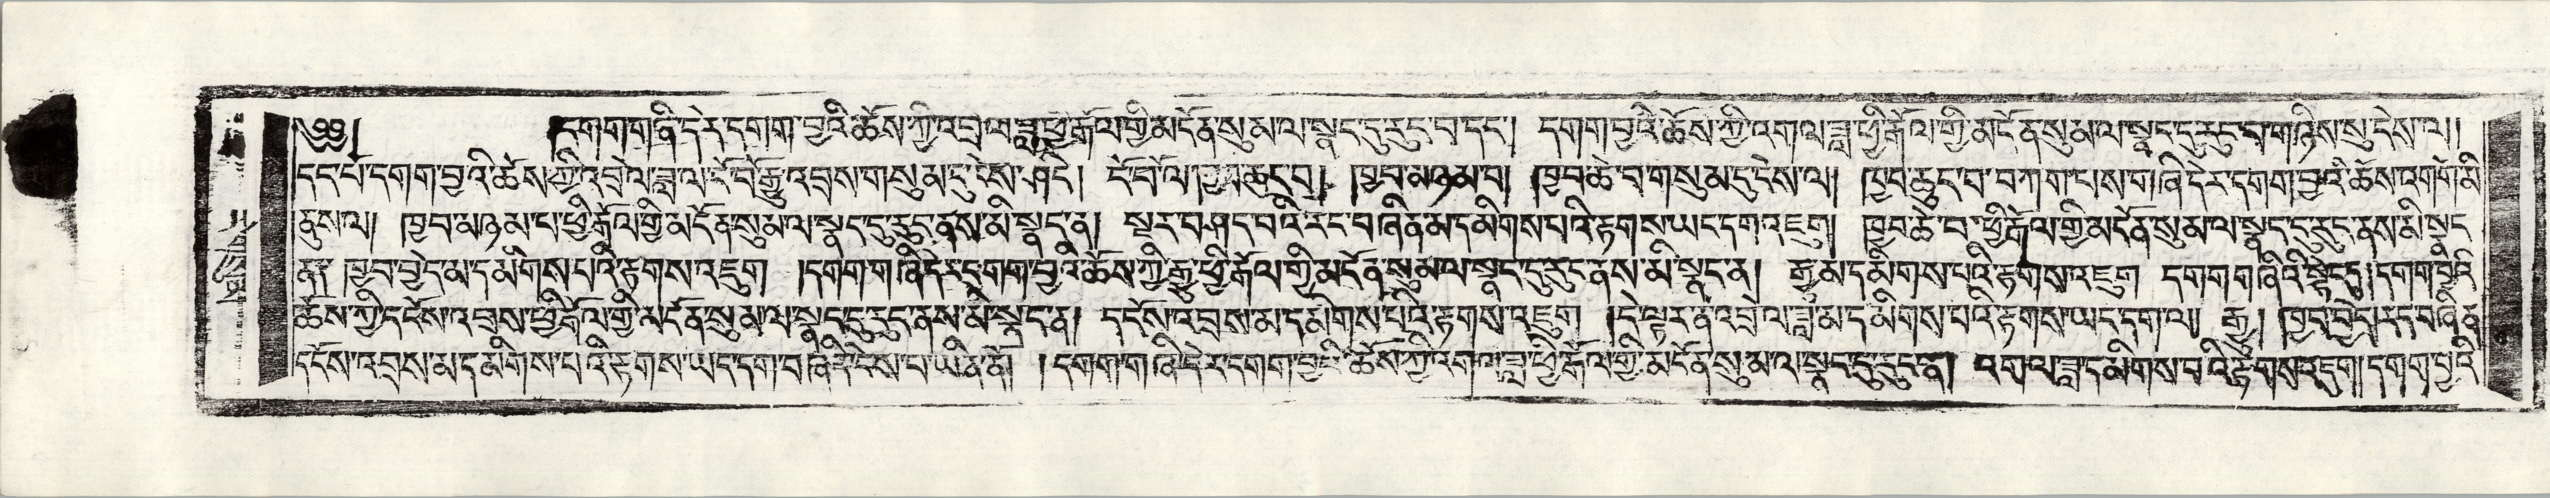༄༅། །དགག་གཞི་དེར་དགག་བྱའི་ཆོས་ཀྱི་འབྲེལ་ཟླ་ཕྱི་རྒོལ་གྱི་མངོན་སུམ་ལ་སྣང་དུ་རུང་བ་དང་། དགག་བྱའི་ཆོས་ཀྱི་འགལ་ཟླ་ཕྱི་རྒོལ་གྱི་མངོན་སུམ་ལ་སྣང་དུ་རུང་བ་གཉིས་སུ་ངེས་ལ།
དང་པོ་དགག་བྱའི་ཆོས་ཀྱི་འབྲེལ་ཟླ་ལ་ངོ་བོ་རྒྱུ་འབྲས་གསུམ་དུ་ངེས་ཤིང་། ངོ་བོ་ལ་ཁྱབ་ཆུང་བ། ཁྱབ་མཉམ་པ། ཁྱབ་ཆེ་བ་གསུམ་དུ་ངེས་ལ། ཁྱབ་ཆུང་བ་བཀག་པས་གཞི་དེར་དགག་བྱའི་ཆོས་འགོག་མི་
ནུས་ལ། ཁྱབ་མཉམ་པ་ཕྱི་རྒོལ་གྱི་མངོན་སུམ་ལ་སྣང་དུ་རུང་ནས་མི་སྣང་ན། སྔར་བཤད་པའི་རང་བཞིན་མ་དམིགས་པའི་རྟགས་ཡང་དག་འཇུག །ཁྱབ་ཆེ་བ་ཕྱི་རྒོལ་གྱི་མངོན་སུམ་ལ་སྣང་དུ་རུང་ནས་མི་སྣང་
ན། ཁྱབ་བྱེད་མ་དམིགས་པའི་རྟགས་འཇུག །དགག་གཞི་དེར་དགག་བྱའི་ཆོས་ཀྱི་རྒྱུ་ཕྱི་རྒོལ་གྱི་མངོན་སུམ་ལ་སྣང་དུ་རུང་ནས་མི་སྣང་ན། རྒྱུ་མ་དམིགས་པའི་རྟགས་འཇུག་དགག་གཞིའི་སྟེང་དུ། དགག་བྱའི་
ཆོས་ཀྱི་དངོས་འབྲས་ཕྱི་རྒོལ་གྱི་མངོན་སུམ་ལ་སྣང་དུ་རུང་ནས་མི་སྣང་ན། དངོས་འབྲས་མ་དམིགས་པའི་རྟགས་འཇུག །དེ་ལྟར་ན་འབྲེལ་ཟླ་མ་དམིགས་པའི་རྟགས་ཡང་དག་ལ། རྒྱུ། ཁྱབ་བྱེད། རང་བཞིན་
དངོས་འབྲས་མ་དམིགས་པའི་རྟགས་ཡང་དག་བཞིར་ངེས་པ་ཡིན་ནོ། །དགག་གཞི་དེར་དགག་བྱའི་ཆོས་ཀྱི་འགལ་ཟླ་ཕྱི་རྒོལ་གྱི་མངོན་སུམ་ལ་སྣང་དུ་རུང་ན། འགལ་ཟླ་དམིགས་པའི་རྟགས་འཇུག །དགག་བྱའི་